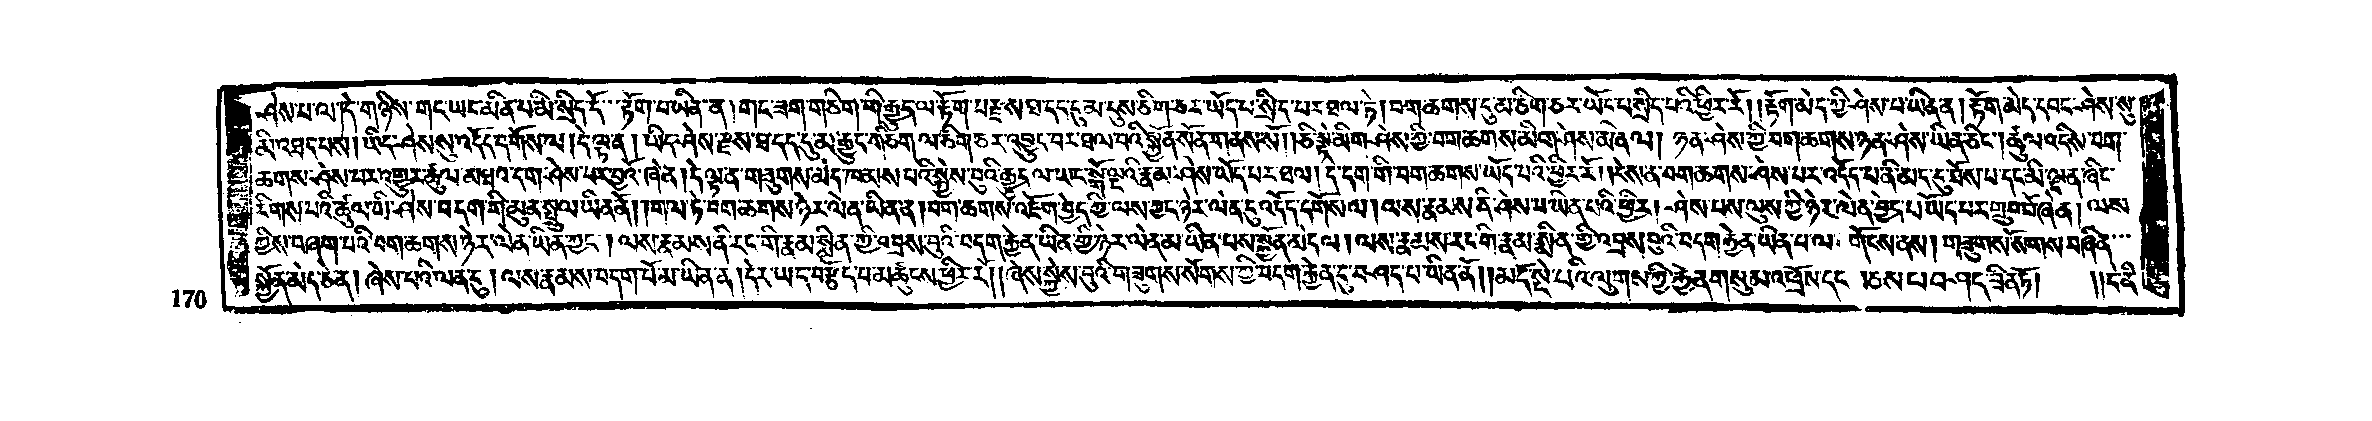ཤེས་པ་ལ། དེ་གཉིས་གང་ཡང་མིན་པ་མི་སྲིད་དོ་རྟོག་པ་ཡིན་ན། གང་ཟག་གཅིག་གི་རྒྱུད་ལ་རྟོག་པ་རྫས་ཐ་དད་དུ་མ་དུས་ཅིག་ཅར་ཡོད་པ་སྲིད་པར་ཐལ་ཏེ། བག་ཆགས་དུ་མ་ཅིག་ཅར་ཡོད་པ་སྲིད་པའི་ཕྱིར་རོ། །རྟོག་མེད་ཀྱི་ཤེས་པ་ཡིན་ན། རྟོག་མེད་དབང་ཤེས་སུ་
མི་འཐད་པས། ཡིད་ཤེས་སུ་འདོད་དགོས་ལ། དེ་ལྟ་ན། ཡིད་ཤེས་རྫས་ཐ་དད་དུ་མ་རྒྱུད་གཅིག་ལ་ཅིག་ཅར་འབྱུང་བར་ཐལ་བའི་སྐྱོན་སོན་གནས་སོ། །ཅི་སྟེ་མིག་ཤེས་ཀྱི་བག་ཆགས་མིག་ཤེས་མིན་ལ། ཉན་ཤེས་ཀྱི་བག་ཆགས་ཉན་ཤེས་ཡིན་ཅིང་། ཚུལ་འདིས་བག་
ཆགས་ཤེས་པར་འགྱུར་ཚུལ་མཐའ་དག་ཤེས་པར་བྱའོ་ཞེ་ན། དེ་ལྟ་ན་གཟུགས་མེད་ཁམས་པའི་སྐྱེས་བུའི་རྒྱུད་ལ་ཡང་སྒོ་ལྔའི་རྣམ་ཤེས་ཡོད་པར་ཐལ། དེ་དག་གི་བག་ཆགས་ཡོད་པའི་ཕྱིར་རོ། །དེས་ན་བག་ཆགས་ཤེས་པར་འདོད་པ་ནི་མང་དུ་ཐོས་པ་དང་མི་ལྡན་ཞིང་
རིགས་པའི་ཚུལ་མི་ཤེས་པ་དག་གི་མུན་སྤྲུལ་ཡིན་ནོ། །གལ་ཏེ་བག་ཆགས་ཉེར་ལེན་ཡིན་ན། བག་ཆགས་འཇོག་བྱེད་ཀྱི་ལས་ཀྱང་ཉེར་ལེན་དུ་འདོད་དགོས་ལ། ལས་རྣམས་ནི་ཤེས་པ་ཡིན་པའི་ཕྱིར། ཤེས་པས་ལུས་ཀྱི་ཉེར་ལེན་བྱེད་པ་ཡོད་པར་གྲུབ་བོ་ཞེ་ན། ལས་
ཀྱིས་བཞག་པའི་བག་ཆགས་ཉེར་ལེན་ཡིན་ཀྱང་། ལས་རྣམས་ནི་རང་གི་རྣམ་སྨིན་གྱི་འབྲས་བུའི་བདག་རྐྱེན་ཡིན་གྱི་ཉེར་ལེན་མ་ཡིན་པས་སྐྱོན་མེད་ལ། ལས་རྣམས་རང་གི་རྣམ་སྨིན་གྱི་འབྲས་བུའི་བདག་རྐྱེན་ཡིན་པ་ལ་དགོངས་ནས། གཟུགས་སོགས་བཞིན་
སྐྱོན་མེད་ཅེ་ན། ཞེས་པའི་ལན་དུ། ལས་རྣམས་བདག་པོ་མ་ཡིན་ན། དེར་ཡང་བརྩོད་པ་མཚུངས་ཕྱིར་རོ། །ཞེས་སྐྱེས་བུའི་གཟུགས་སོགས་ཀྱི་བདག་རྐྱེན་དུ་བཤད་པ་ཡིན་ནོ། །མདོ་སྡེ་པའི་ལུགས་ཀྱི་རྐྱེན་གསུམ་འཕྲོས་དང་བཅས་པ་བཤད་ཟིན་ཏོ།། །།དེ་ནི་